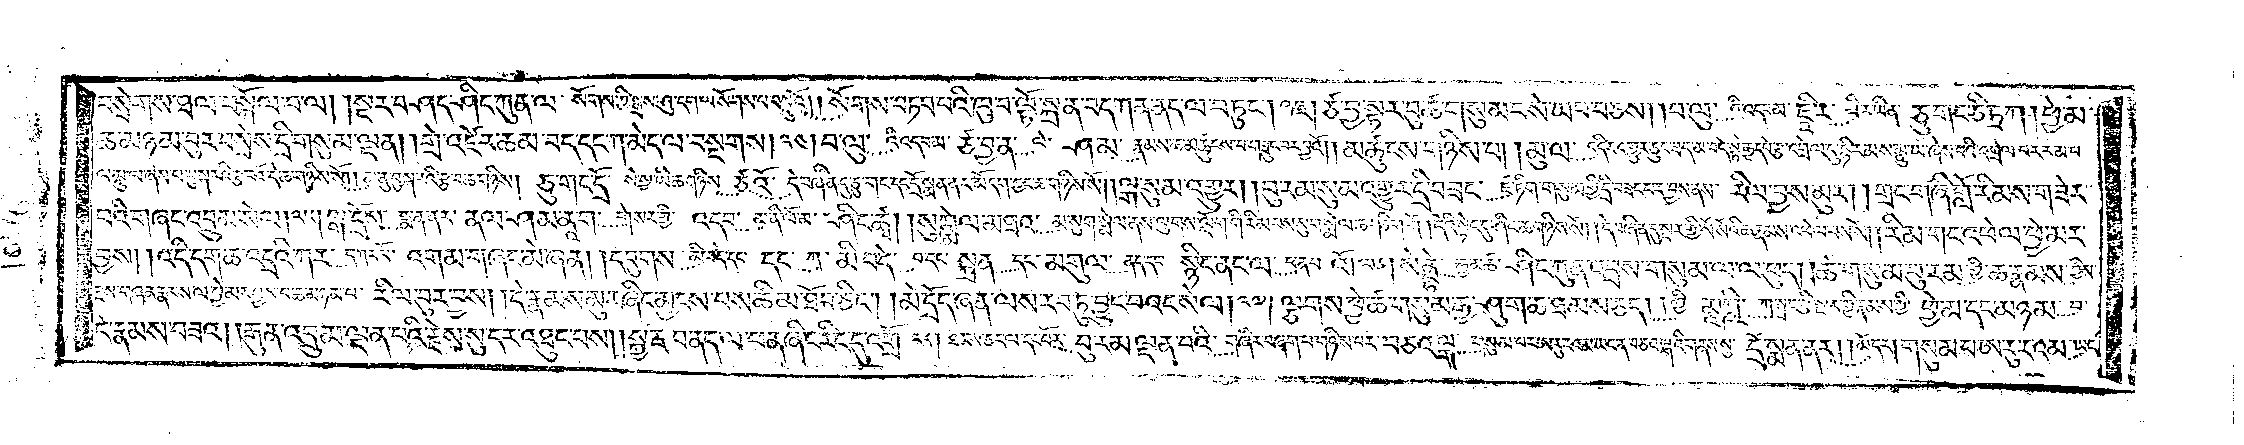བསྲེགས་ཐལ་བསྐོལ་བ་ལ། །སྔར་བཤད་ཤིང་ཀུན་ལ་སོགས་ཀྱི་སྒྲས་ཤུ་དག་ཡ་སོགས་པ་བསྡུའོ། །སོགས་བཏབ་པའི་ཁུ་བ་ལྟོ་སྐྲན་བད་ཀན་ནད་ལ་བཏུང་། ༢༣་།ཙ་བྱ་སྟར་བུ་ཚ་གསུམ་བསེ་ཡབ་བཅས། །བ་ལུ་འི་འདབ་མ་ཇཱི་ར་གྲིར་ཡིན་ཅུ་གང་ཅི་ཏྲཀ། ཕྱེ་མ་
ཆ་མཉམ་བུར་བསྲེས་དྲི་གསུམ་ལྡན། །གྲེ་འཛེར་ཆམ་བད་དང་ཀ་མེད་ལ་བསྔགས། ༢༤་།བ་ལུ་འི་འདབ་མ་ཙ་བྱ་ན་ལེ་ཤམ་རྣམས་ཆ་མཚུངས་པ་གཟུང་བར་བྱའོ། །མཚུངས་གཉིས་པ། །མུ་ལ་འདིར་འགྱུར་ཅུང་ཟད་མ་བདེ་སྟེ་རྒྱད་པེ་རྩ་འགྲེལ་དུ་དྷི་རམས་མཱུ་ཡེ་ཞེས་པའི་འགྲེལ་བར་རམ་པ་
ལ་མཱུ་ལ་ཞེས་པ་པུསྐ་རའི་རྩ་བའོ་དེ་ཆ་གཉིས་སོ། །མ་ནུ་བུ་སྐ་རའི་རྩ་བ་ཆ་གཉིས། ཅུ་གང་དྲོ་སེ་སྱ་ཡི་ཆ་གཉིས་ཙའོ་དེ་བཞིན་དུ་ཅུ་གང་དང་དྲོ་སྨན་ནར་མོ་དག་ཀྱང་ཆ་གཉིས་སོ། །ལྒ་སུམ་འགྱུར། །བུ་རམ་སུམ་འགྱུར་དྲི་བཟང་ཛ་ཏིག་གསུམ་གྱི་དྲི་བཟང་བར་བྱས་ནས། རིལ་བྱས་མུ་ར། །གྲང་གཞི་གློ་རིམས་གཟེར་
བའི་གཞང་འབྲུམ་སེལ། ༢༥་།ལྒ་དྲོས་སྨན་ནར་ནལ་ཤམ་ནཱ་ག་གེ་སར་གྱི་འདབ་མ་ནི་ལོ་མ་ཤིང་ཚྭ། །སུཀྵྨེལ་མཐའ་མ་སུག་སྨེལ་ནས་ལུགས་ལྡོག་གི་རིམ་པས་སུག་སྨེལ་ཆ་གཅིག་གོ །དེའི་སྟེང་དུ་ཤིང་ཆ་གཉིས་སོ། །དེ་བཞིན་དུ་སྔར་གྱི་སོ་སོའི་ཆ་རྣམས་འཕེལ་བས་སོ། །རིམ་གང་འཕེལ་ཕྱེ་མར་
བྱས། །འདི་དག་ཆ་འདྲའི་ཀར་དཀར་པོ་འགམ་གཞང་མེ་ཞན། །དབུགས་མི་བདེ་དང་དང་ཀ་མི་བདེ་བ་དང་སྐྲན་དང་མགུལ་ནད་དང་སྙིང་ནང་ལ་ཕན་པའོ། ༢༦་།སེནྡྷེ་རྒྱ་མཚ་ཤིང་ཀུན་འབྲས་གསུམ་ལ་ལ་ཕུད། །ཚེ་གསུམ་བུ་རམ་གྱི་ཆ་རྣམས་ཀྱིས་
རྫས་གཞན་རྣམས་ལ་ཕྱེ་མར་བྱས་བ་ཆ་མཉམ་པ་རིལ་བུར་བྱས། །དེ་རྣམས་མུར་ཞིང་མྱངས་པས་ཆིམ་ཐོབ་ཅིང་། །མེ་དྲོད་ཞན་ལས་རབ་ཏུ་བྱུང་བའང་སེལ། ༢༧་།ལྕགས་ཕྱེ་ཚ་གསུམ་རྒྱ་ཤུག་ཆ་ཐམས་ཅད། །ཀྱི་མཱཀྵི་ཀ་སྦྲང་རྩི་སྔར་གྱི་རྣམས་ཀྱི་ཕྱེ་མ་དང་མཉམ་བ་
དེ་རྣམས་བཟའ། །རྒུན་འབྲུམ་ལྡན་པའི་རྗེས་སུ་དར་འཐུང་པས། །སྐྱ་རྦབ་ནད་ལ་ཕན་ཞིང་རིང་དུ་འགྲོ ༢༨་།ཐམས་ཅད་ལ་དང་པོར་བུ་རམ་ལྡན་པའི་གཞིར་བཞག་པ་གཉིས་པར་བཅའ་ལག་གསུམ་པར་ཨ་རུརཱམ་ཡང་ན་བཅའ་ལྒའི་གནས་སུ་དྲོ་སྨན་ནར། །མོ་དར། གསུམ་པ་ཨ་རུ་རའམ་ཡང་